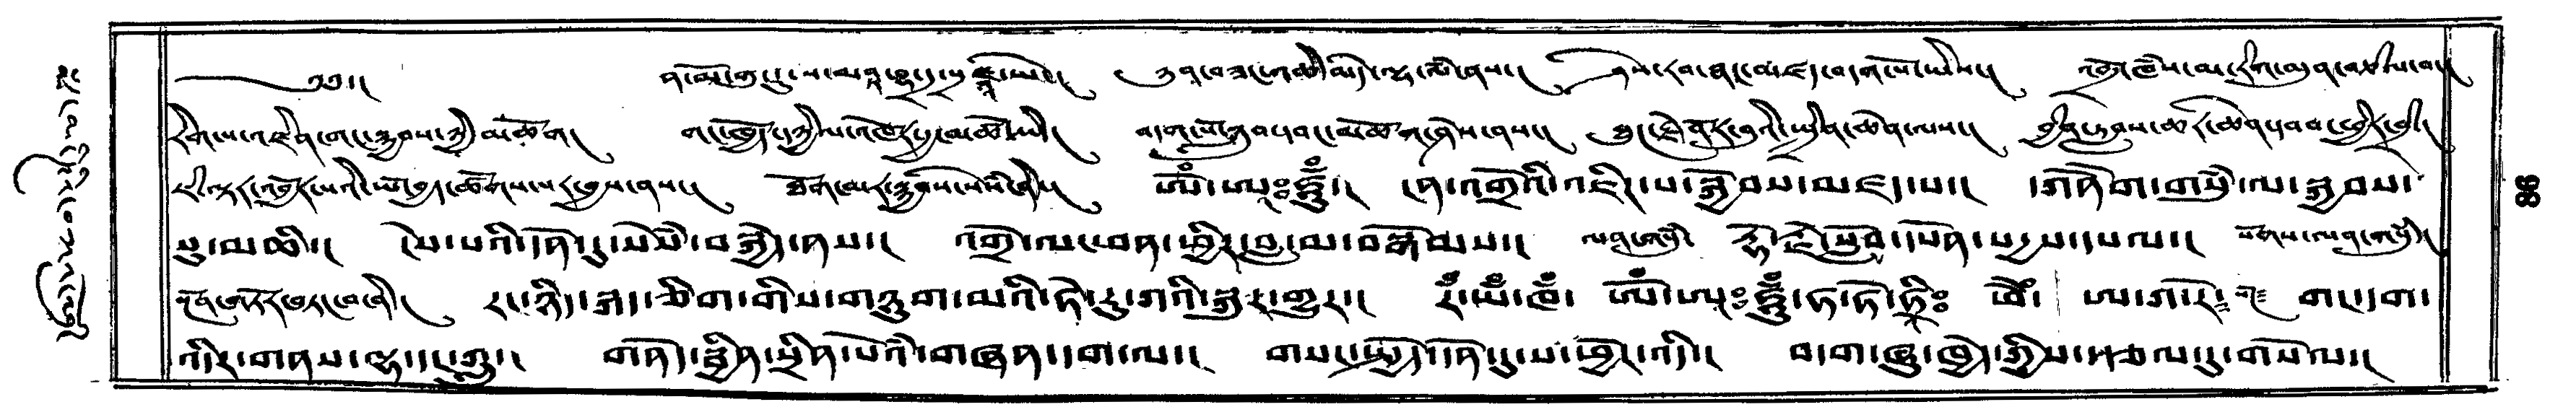ན་མོ་གུ་རུ་ས་མནྟ་བྷ་དྲ་པྲཛྙཱ་ཡེ། ཀུན་བཟང་འཆི་མེད་ལྷ་ལམ་ནས། ཤེས་རབ་སྣང་མཛད་བདག་པོ་ཡིས། །འགྲོ་ཁམས་མ་རིག་མུན་བཅིལ་བ། །
རིག་འཛིན་གང་སྐྱབས་ཀྱི་མཆོག །གང་ཁྱོད་དཀྱིལ་འཁོར་རྒྱ་མཚོ་ཡི། །བདག་པོ་ཀླུ་དབང་མཆོག་ཤེས་ནས། །ཐུགས་རྗེ་ནོར་བུའི་སྤྲིན་ཆེན་ལས། །བྱིན་རླབས་ཆར་ཆེན་དབབ་ཕྱིར་བྲི། 
ཇི་ལྟར་འབྱོར་པའི་ཡོ་བྱད་ཚོགས་པར་བྱས་ནས། ཐོག་མར་སྐྱབས་སེམས་ནི། ཨོཾ་ཨཱཿཧཱུྃ། ངན་འགྲོའི་འཇིགས་པ་སྐྱོབས་མཛད་པ། །དཀོན་མཆོག་གསུམ་ལ་སྐྱབས་
སུ་མཆི། །ངེས་པའི་དོན་དུ་སེམས་བསྐྱེད་ནས། འགྲོ་ལ་ཕན་ཕྱིར་བླ་མ་བསྒོམ། ལན་གསུམ། རྡོ་རྗེ་སློབ་དཔོན་སངས་རྒྱས་དཔལ། སོགས། ལན་གསུམ། 
སྔོན་གཏོར་གཏོང་བ་ནི། རང་ཉིད་སྐད་ཅིག་གིས་གཉུག་མའི་ཧེ་རུ་ཀའི་སྐུར་གྱུར། རྃ་ཡྃ་ཁྃ། ཨོཾ་ཨཱཿཧཱུྃ་ཧ་ཧོ་ཧྲཱིཿ ཕེཾ་ཕེཾ། ཨ་ཀ་རོ༴ སོགས། གང་དག་
འདིར་གནས་ལྷ་དང་གླུ། །གནོད་སྦྱིན་སྲིན་པོའམ་གཞན་དག་ལ། །གསང་སྤྱོད་དོན་དུ་ས་ཕྱོགས་འདི། །བདག་ཞུ་ཁྱེད་ཀྱིས་སྩལ་དུ་གསོལ།